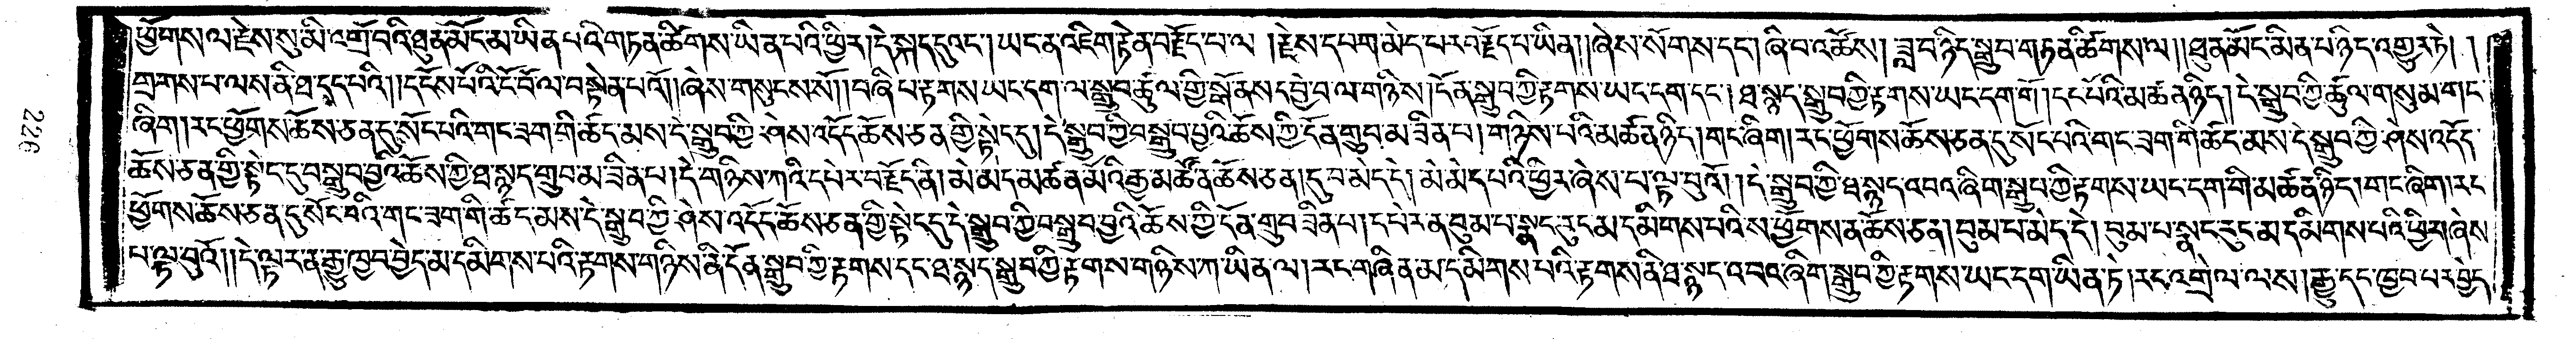ཕྱོགས་ལ་རྗེས་སུ་མི་འགྲོ་བའི་ཐུན་མོང་མ་ཡིན་པའི་གཏན་ཚིགས་ཡིན་པའི་ཕྱིར། དེ་སྐད་དུའང་། ཡང་ན་འཇིག་རྟེན་བརྗོད་པ་ལ། །རྗེས་དཔག་མེད་པར་བརྗོད་པ་ཡིན། །ཞེས་སོགས་དང་། ཞི་བ་འཚོས། ཟླ་བ་ཉིད་སྒྲུབ་གཏན་ཚིགས་ལ། །ཐུན་མོང་མིན་པ་ཉིད་འགྱུར་ཏེ། །
གྲགས་པ་ལས་ནི་ཐ་དད་པའི། །དངོས་པོའི་ངོ་བོ་ལ་བསྟེན་པའོ། །ཞེས་གསུངས་སོ། །བཞི་པ་རྟགས་ཡང་དག་ལ་སྒྲུབ་ཚུལ་གྱི་སྒོ་ནས་དབྱེ་བ་ལ་གཉིས། དོན་སྒྲུབ་ཀྱི་རྟགས་ཡང་དག་དང་། ཐ་སྙད་སྒྲུབ་ཀྱི་རྟགས་ཡང་དག་གོ། དང་པོའི་མཚན་ཉིད། དེ་སྒྲུབ་ཀྱི་ཚུལ་གསུམ་གང་
ཞིག །རང་ཕྱོགས་ཆོས་ཅན་དུ་སོང་བའི་གང་ཟག་གི་ཚད་མས་དེ་སྒྲུབ་ཀྱི་ཤེས་འདོད་ཆོས་ཅན་གྱི་སྟེང་དུ། དེ་སྒྲུབ་ཀྱི་བསྒྲུབ་བྱའི་ཆོས་ཀྱི་དོན་གྲུབ་མ་ཟིན་པ། གཉིས་པའི་མཚན་ཉིད། གང་ཞིག །རང་ཕྱོགས་ཆོས་ཅན་དུ་སོང་བའི་གང་ཟག་གི་ཚད་མས་དེ་སྒྲུབ་ཀྱི་ཤེས་འདོད་
ཆོས་ཅན་གྱི་སྟེང་དུ་བསྒྲུབ་བྱའི་ཆོས་ཀྱི་ཐ་སྙད་གྲུབ་མ་ཟིན་པ། དེ་གཉིས་གའི་དཔེར་བརྗོད་ནི། མེ་མེད་མཚན་མོའི་རྒྱུ་མཚོ་ན་ཆོས་ཅན། དུ་བ་མེད་དེ། མེ་མེད་པའི་ཕྱིར་ཞེས་པ་ལྟ་བུའོ། དེ་སྒྲུབ་ཀྱི་ཐ་སྙད་འབའ་ཞིག་སྒྲུབ་ཀྱི་རྟགས་ཡང་དག་གི་མཚན་ཉིད། གང་ཞིག །རང་
ཕྱོགས་ཆོས་ཅན་དུ་སོང་བའི་གང་ཟག་གི་ཚད་མས་དེ་སྒྲུབ་ཀྱི་ཤེས་འདོད་ཆོས་ཅན་གྱི་སྟེང་དུ་དེ་སྒྲུབ་ཀྱི་བསྒྲུབ་བྱའི་ཆོས་ཀྱི་དོན་གྲུབ་ཟིན་པ། དཔེར་ན་བུམ་པ་སྣང་རུང་མ་དམིགས་པའི་ས་ཕྱོགས་ན་ཆོས་ཅན། བུམ་པ་མེད་དེ། བུམ་པ་སྣང་རུང་མ་དམིགས་པའི་ཕྱིར། ཞེས་
པ་ལྟ་བུའོ། དེ་ལྟར་ན་རྒྱུ་ཁྱབ་བྱེད་མ་དམིགས་པའི་རྟགས་གཉིས་ནི་དོན་སྒྲུབ་ཀྱི་རྟགས་དང་ཐ་སྙད་སྒྲུབ་ཀྱི་རྟགས་གཉིས་ཀ་ཡིན་ལ། རང་བཞིན་མ་དམིགས་པའི་རྟགས་ནི་ཐ་སྙད་འབའ་ཞིག་སྒྲུབ་ཀྱི་རྟགས་ཡང་དག་ཡིན་ཏེ། རང་འགྲེལ་ལས། རྒྱུ་དང་ཁྱབ་པར་བྱེད་